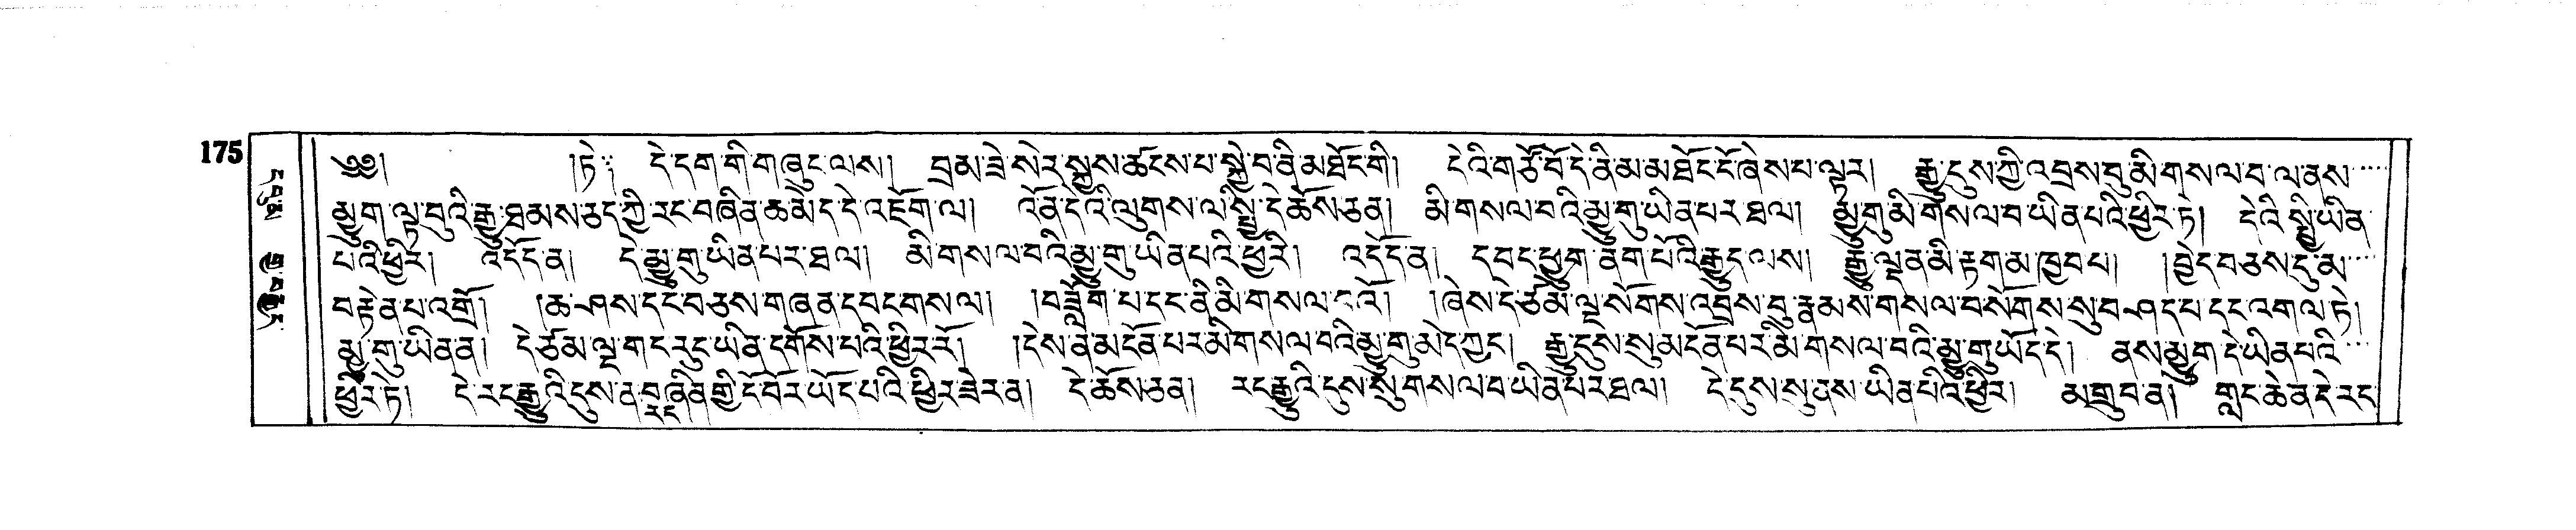༄༅། །ཏེ། དེ་དག་གི་གཞུང་ལས། བྲམ་ཟེ་སེར་སྐྱས་ཚངས་པ་སྐྱེ་བ་ནི་མཐོང་གི། དེའི་གཙོ་བོ་དེ་ནི་མ་མཐོང་ངོ་ཞེས་པ་ལྟར། རྒྱུ་དུས་ཀྱི་འབྲས་བུ་མི་གསལ་བ་ལ་ནས་
མྱུག་ལྟ་བུའི་རྒྱུ་ཐམས་ཅད་ཀྱི་རང་བཞིན་ཆ་མེད་དེ་འཇོག་ལ། འོ་ན་དེའི་ལུགས་ལ་སྤྱི་དེ་ཆོས་ཅན། མི་གསལ་བའི་མྱུ་གུ་ཡིན་པར་ཐལ། མྱུ་གུ་མི་གསལ་བ་ཡིན་པའི་ཕྱིར་ཏེ། དེའི་སྤྱི་ཡིན་
པའི་ཕྱིར། འདོད་ན། དེ་མྱུ་གུ་ཡིན་པར་ཐལ། མི་གསལ་བའི་མྱུ་གུ་ཡིན་པའི་ཕྱིར། འདོད་ན། དབང་ཕྱུག་ནག་པོའི་རྒྱུད་ལས། རྒྱུ་ལྡན་མི་རྟག་མ་ཁྱབ་པ། །བྱེད་བཅས་དུ་མ་
བརྟེན་པ་འགྲོ། །ཆ་ཤས་དང་བཅས་གཞན་དབང་གསལ། །བཟློག་པ་དང་ནི་མི་གསལ་བའོ། །ཞེས་དེ་ཙམ་ལྔ་སོགས་འབྲས་བུ་རྣམས་གསལ་བ་སོགས་སུ་བཤད་པ་དང་འགལ་ཏེ།
མྱུ་གུ་ཡིན་ན། དེ་ཙམ་ལྔ་གང་རུང་ཡིན་དགོས་པའི་ཕྱིར་རོ། །དེས་ན་མངོན་པར་མི་གསལ་བའི་མྱུ་གུ་མེད་ཀྱང་། རྒྱུ་དུས་སུ་མངོན་པར་མི་གསལ་བའི་མྱུ་གུ་ཡོད་དེ། ནས་མྱུག་དེ་ཡིན་པའི་
ཕྱིར་ཏེ། དེ་རང་རྒྱུའི་དུས་ན་རང་བཞིན་གྱི་ངོ་བོར་ཡོད་པའི་ཕྱིར་ཟེར་ན། དེ་ཆོས་ཅན། རང་རྒྱུའི་དུས་སུ་གསལ་བ་ཡིན་པར་ཐལ། དེ་དུས་སུ་ནས་ཡིན་པའི་ཕྱིར། མ་གྲུབ་ན། གླང་ཆེན་དེ་རང་